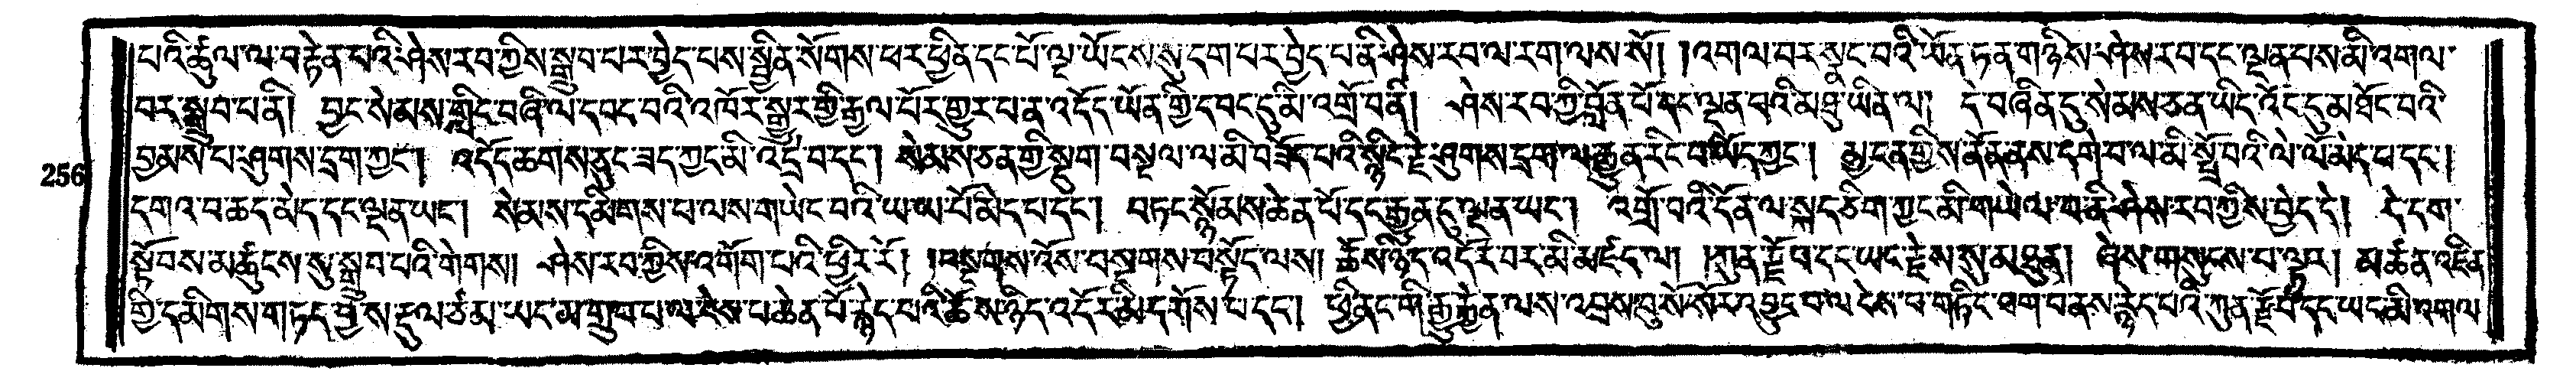པའི་ཚུལ་ལ་བརྟེན་པའི་ཤེས་རབ་ཀྱིས་སྒྲུབ་པར་བྱེད་པས་སྦྱིན་སོགས་ཕར་ཕྱིན་དང་པོ་ལྔ་ཡོངས་སུ་དག་པར་བྱེད་པ་ནི་ཤེས་རབ་ལ་རག་ལས་སོ། །འགལ་བར་སྣང་བའི་ཡོན་ཏན་གཉིས་ཤེས་རབ་དང་ལྡན་པས་མི་འགལ་
བར་སྒྲུབ་པ་ནི། བྱང་སེམས་གླིང་བཞི་ལ་དབང་བའི་འཁོར་སྒྱུར་གྱི་རྒྱལ་པོར་གྱུར་པ་ན་འདོད་ཡོན་གྱི་དབང་དུ་མི་འགྲོ་དུ་མི་འགྲོ་བ་ནི། ཤེས་རབ་ཀྱི་བློན་པོ་དང་ལྡན་བའི་མཐུ་ཡིན་ལ། དེ་བཞིན་དུ་སེམས་ཅན་ཡིད་འོང་དུ་མཐོང་བའི་
བྱམས་པ་ཤུགས་དྲག་ཀྱང་། འདོད་ཆགས་ཅུང་ཟད་ཀྱང་མི་འདྲ་བ་དང་། སེམས་ཅན་གྱི་སྡུག་བསྔལ་ལ་མི་བཟོད་པའི་སྙིང་རྗེ་ཤུགས་དྲག་ལ་རྒྱུན་རིང་བ་ཡོད་ཀྱང་། མྱ་ངན་གྱིས་ནོན་ནས་དགེ་བ་ལ་མི་སྤྲོ་བའི་ལེ་ལོ་མེད་པ་དང་།
དགའ་བ་ཆད་མེད་དང་ལྡན་ཡང་། སེམས་དམིགས་པ་ལས་གཡེང་བའི་ཡ་ཡ་བོ་མེད་པ་དང་། བཏང་སྙོམས་ཆེན་པོ་དང་རྒྱུན་དུ་ལྡན་ཡང་། འགྲོ་བའི་དོན་ལ་སྐད་ཅིག་ཀྱང་མི་གཡེལ་བ་ནི་ཤེས་རབ་ཀྱིས་བྱེད་དེ། དེ་དག་
སྟོབས་མཚུངས་སུ་སྒྲུབ་པའི་གེགས། ཤེས་རབ་ཀྱིས་འགོག་པའི་ཕྱིར་རོ། །བསྔགས་འོས་བསྔགས་བསྟོད་ལས། ཆོས་ཉིད་འདོར་བར་མི་མཛད་ལ། །ཀུན་རྫོབ་དང་ཡང་རྗེས་སུ་མཐུན། ཞེས་གསུངས་པ་ལྟར། མཚན་འཇིན་
གྱི་དམིགས་གཏད་བྱས་རྡུལ་ཙམ་ཡང་མ་གྲུབ་པ་ལ་ངེས་པ་ཆེན་པོ་རྙེད་པའི་ཆོས་ཉིད་འདོར་མི་དགོས་པ་དང་། ཕྱི་ནང་གི་རྒྱུ་རྒྱེན་ལས་འབྲས་བུ་སོ་སོར་འབྱུང་བ་ལ་ངེས་བ་གཏིང་ཐག་བ་ནས་རྙེད་པའི་ཀུན་རྫོབ་དང་ཡང་མི་འགལ་